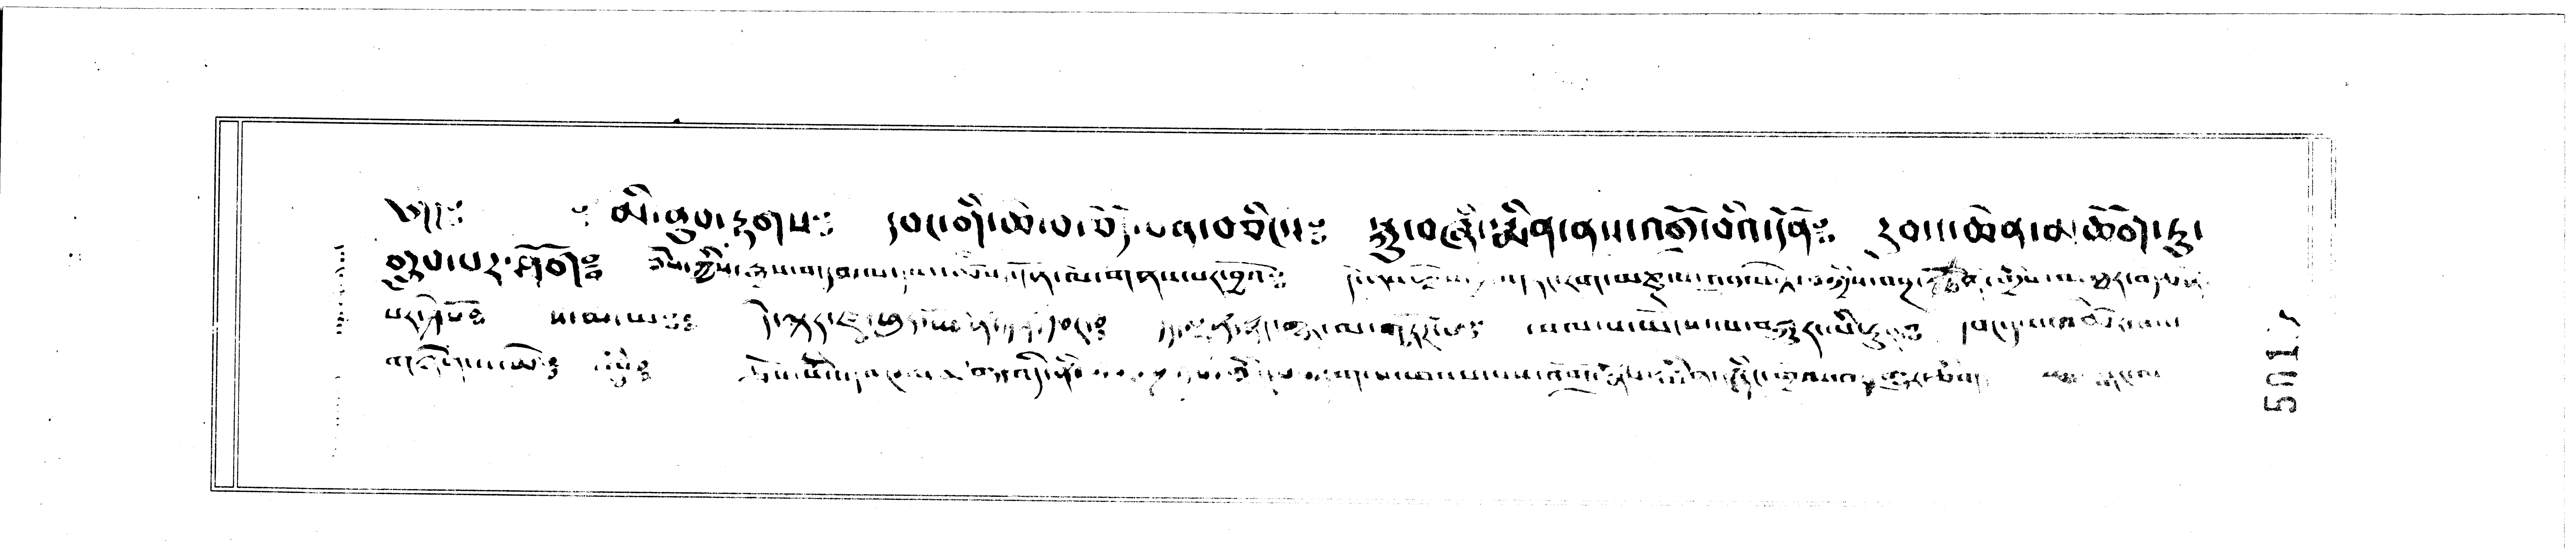༔མི་ནུབ་རྟགས༔ དབང་གི་ཆེ་བ་ཅོད་པན་བཅིངས༔ སྐུ་བཞི་སྨིན་ནས་འགྲོ་བའི་དོན༔རླབས་ཆེན་མཆོག་ཏུ་
གྲུབ་པར་ཤོག༔ཅེས་ཀྱི་རྒྱས་གདབ་ལ་དམ་ཚིག་དོན་ལ་གནས་པར་བྱའོ༔དེ་ནས་རྗེས་བྱ་གཏང་རག་མཎྜལ་འབུལ་ཏེ་བཀྲིས་བསྔོ་སྨོན་གྱིས་མཐར་བརྩོན་
པར་ཤེས་སོ༔ས་མ་ཡ༔༔དེ་ལྟར་ཛྭ་ཕུར་ཡོན་ཏན་དབང་༔དད་ལྡན་སྣོད་གྱུར་མ་གཏོགས་པ༔ ཕལ་པ་ཡོངས་ལ་བསྐུར་མི་རུང་༔དབང་དམ་འཆོར་བས་
གཉེན་པ་ཆེ༔ཨྠི༔ཅེས་པའི་དབང་མཆོག་འདི་ནི་གསང་སྔགས་གླིང་པས་དག་པ་ཕབ་པས་འགྲོ་རྣམས་སྨིན་ཞིང་གྲོལ་བར་གྱུར་ཅིག སརྦ་མངྒལམ།